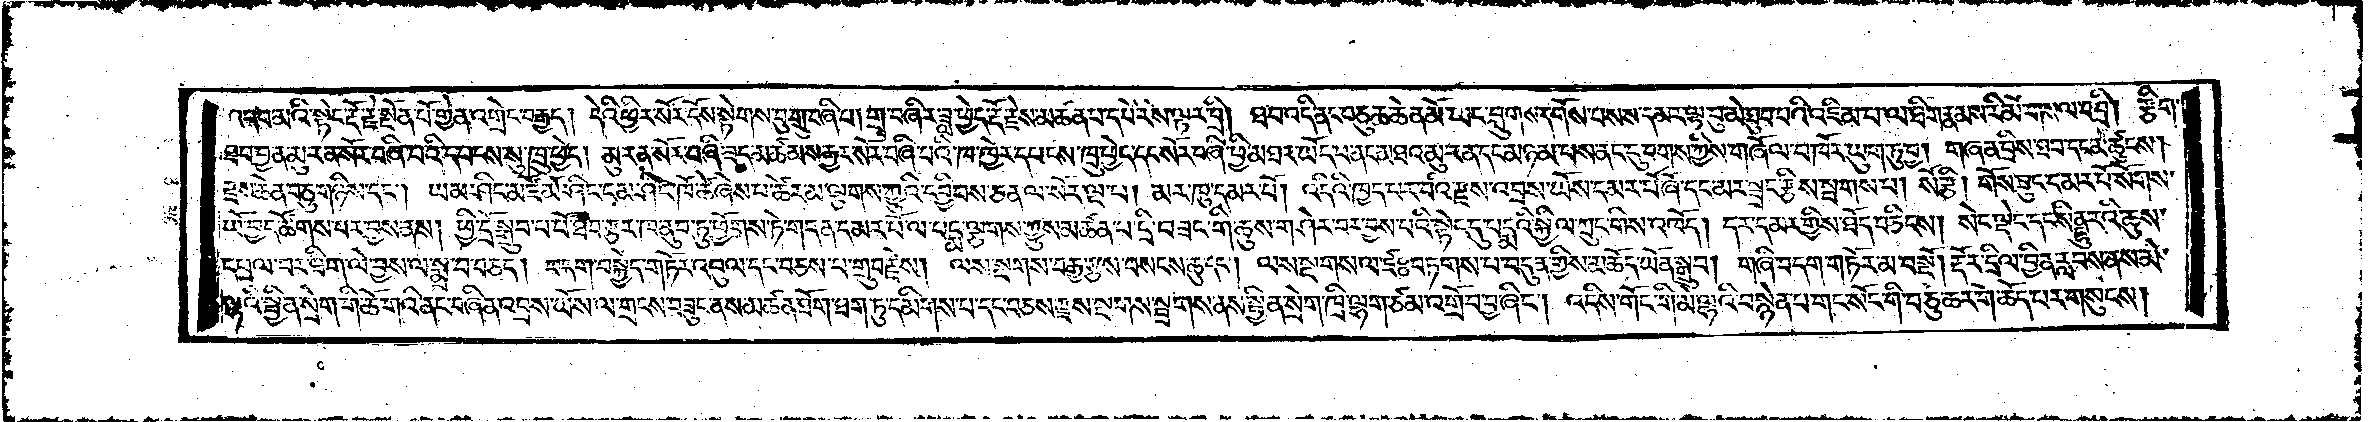འདབ་མའི་སྟེང་རྡོ་རྗེ་སྔོན་པོ་གྱེན་འགྲེང་བརྒྱད། དེའི་ཕྱིར་སོར་དོས་སྟེགས་བུ་གྲུ་བཞི་པ། གྲྭ་བཞིར་ཟླ་ཕྱེད་རྡོ་རྗེས་མཚན་པ་དཔེ་རིས་ལྟར་བྲི། ཐབ་འདི་ནང་བཅུ་ཆ་ཆེན་མོ་ཡང་བླུགས་དགོས་པས་ས་དམར་ལྟ་བུ་མེ་ཐུབ་པའི་འཇིམ་པ་ལ་ཐིག་རྣམས་རི་མོ་གསལ་བ་བྲི། རྩི་
ཐབ་བྱན་མུ་རན་སོར་བཞི་པའི་དབང་སུ་ཁྲུ་ཕྱེད། མུར་ན་སོར་བཞི་ཟད་མཚམས་རྒྱར་སོར་བཞི་པའི་ཁ་ཁྱེར་དབང་ཁྲུ་ཕྱེད་དང་སོར་བཞི་ཕྱི་མཐར་ཡོད་པ་ནང་མཐའ་མུ་རང་དང་མཉམ་པས་ནང་དུ་བགས་ཀྱིས་གཞོལ་བ་ཁོར་ཡུག་ཏུ་བྱ། གཞན་བྲིས་ཐབ་དང་མཚུངས།
རྫས་ཆེན་བཅུ་གཉིས་དང་། ཡམ་ཤིང་མཛོ་མོ་ཤིང་ངམ་ཤིང་ཁེ་ཚེ་ཞེས་པ་ཚེར་མ་ལྕགས་ཀྱུའི་དབྱིབས་ཅན་ལ་སོར་ལྔ་པ། མར་ཁུ་དམར་པོ། འདིའི་ཁྱད་པར་བའི་རྫས་འབྲས་ཡོས་དམར་པོ་ཞོ་དང་མར་སྦྲང་རྩིས་སྦགས་པ། སོ་རྩི། གོས་ཐུང་དམར་པོ་སོགས་
ཡོ་བྱད་ཚོགས་པར་བྱས་ནས། ཕྱི་དྲོ་སྒྲུབ་པ་པོ་ཐབ་རྩར་ཁ་ནུབ་ཏུ་ཕྱོགས་ཏེ་གདན་དམར་པོ་ལ་པདམ་ལྕགས་ཀྱུས་མཚན་པ་དྲི་བཟང་གི་ཆུས་གཤེར་བར་བྱས་པའི་སྟེང་དུ་པདམའི་སྐྱིལ་ཀྲུང་གིས་འཁོད། དར་དམར་གྱིས་ཐོད་བཅིངས། སེང་ལྡེང་དང་སིནྡྷུ་རའི་ཆུས་
དཔྲལ་བར་ཐིག་ལེ་བྱས་པ་སྨྲ་བ་བཅད། བདག་བསྐྱེད་གཏོར་འབུལ་དང་བཅས་པ་གྲུབ་རྗེས། ལས་སྔགས་བརྒྱ་རྩས་བསངས་ཆུ་དང་། ལས་སྔགས་ལ་ཛཿ བཏགས་པ་བདུན་གྱིས་མཆོད་ཡོན་སྒྲུབ། གཞི་བདག་གཏོར་མ་བསྔོ། རྡོར་དྲིལ་བྱིན་རླབས་ནས་མེ་
ལྷའི་སྦྱིན་སྲེག་གི་ཆོ་གའི་ནང་བཞིན་འབྲས་ཡོས་ལ་གྲངས་བཟུང་ནས་མཚན་ཐོག་ཐག་ཏུ་དམིགས་པ་དང་བཅས་རྫས་སྔགས་སྦྲགས་ནས་སྦྱིན་སྲེག་ཁྲི་ལྷག་ཙམ་འགྲོ་བ་བྱ་ཞིང་། འདིས་གོང་གི་མེ་ལྷའི་བསྙེན་པ་གང་སོང་གི་བཅུ་ཆར་གེ་ཆོད་པར་གསུངས།